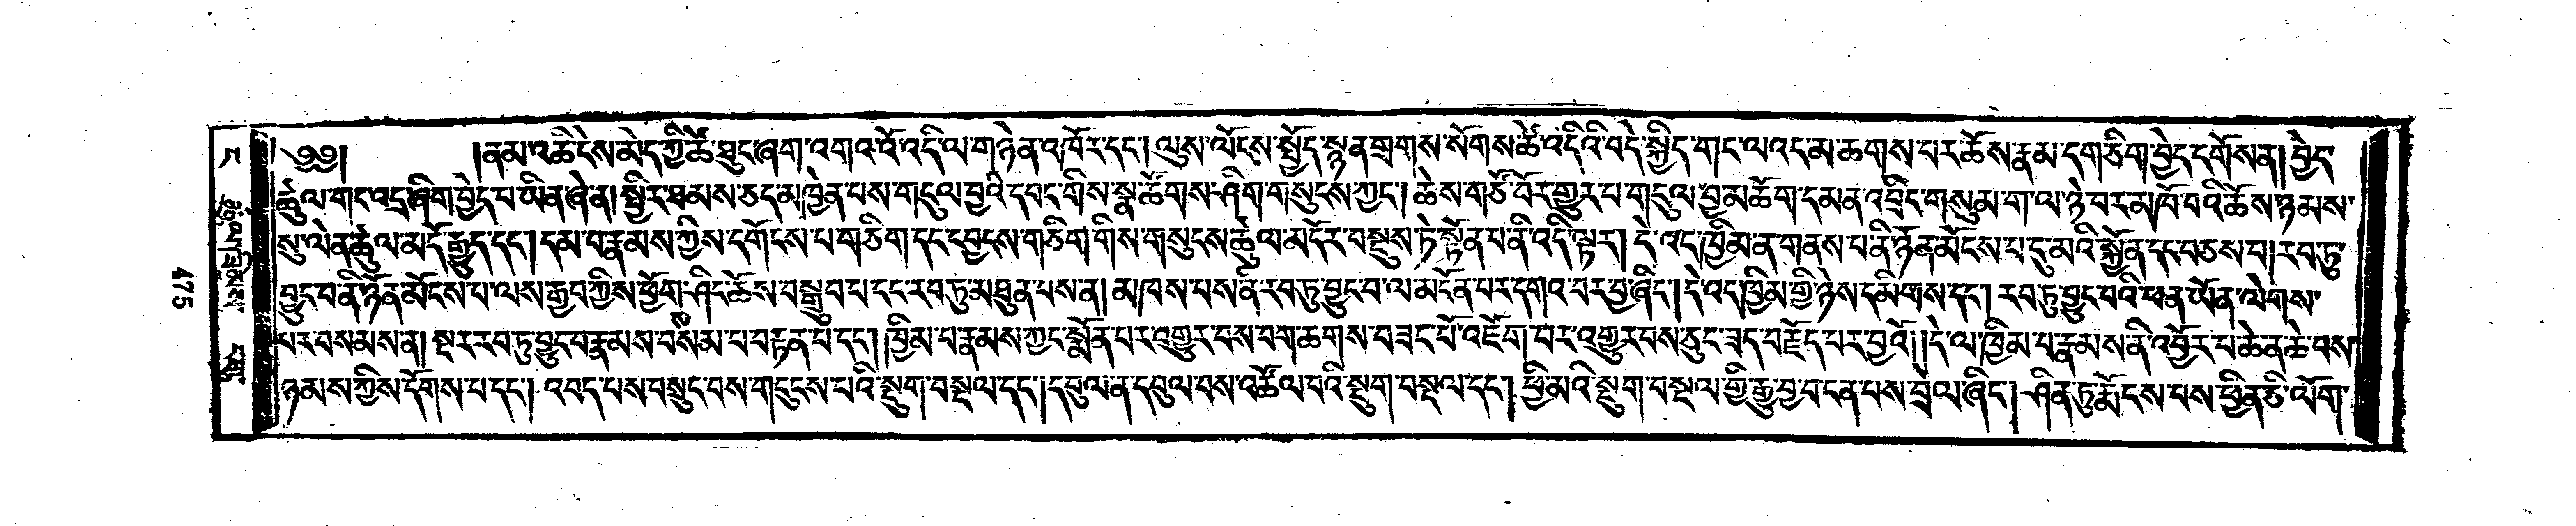༄༅། །ནམ་འཆི་ངེས་མེད་ཀྱི་ཚེ་ཐུང་ཞག་འགའ་འོ་འདི་ལ་གཉེན་འཁོར་དང་། ལུས་ལོངས་སྤྱོད་སྙན་གྲགས་སོགས་ཚེ་འདིའི་བདེ་སྐྱིད་གང་ལའང་མ་ཆགས་པར་ཆོས་རྣམ་དག་ཅིག་བྱེད་དགོས་ན། བྱེད་
ཚུལ་གང་འདྲ་ཞིག་བྱེད་པ་ཡིན་ཞེ་ན། སྤྱིར་ཐམས་ཅད་མཁྱེན་པས་གདུལ་བྱའི་དབང་གིས་སྣ་ཚོགས་ཤིག་གསུངས་ཀྱང་། ཆེས་གཙོ་བོར་གྱུར་པ་གདུལ་བྱ་མཆོག་དམན་འབྲིང་གསུམ་ག་ལ་ཉེ་བར་མཁོ་བའི་ཆོས་ཉམས་
སུ་ལེན་ཚུལ་མདོ་རྒྱུད་དང་། དམ་པ་རྣམས་ཀྱིས་དགོངས་པ་གཅིག་དང་དབྱངས་གཅིག་གིས་གསུངས་ཚུལ་མདོར་བསྡུས་ཏེ་སྟོན་པ་ནི་འདི་ལྟར། དེའང་ཁྱིམ་ན་གནས་པ་ནི་ཉོན་མོངས་པ་དུ་མའི་སྐྱོན་དང་བཅས་པ། རབ་ཏུ་
བྱུང་བ་ནི་ཉོན་མོངས་པ་ལས་རྒྱབ་ཀྱིས་ཕྱོག་ཤིང་ཆོས་བསྒྲུབ་པ་དང་རབ་ཏུ་མཐུན་པས་ན། མཁས་པས་ནི་རབ་ཏུ་བྱུང་བ་ལ་མངོན་པར་དགའ་བར་བྱ་ཞིང་། དེའང་ཁྱིམ་གྱི་ཉེས་དམིགས་དང་། རབ་ཏུ་བྱུང་བའི་ཕན་ཡོན་ལེགས་
པར་བསམས་ན། སྔར་རབ་ཏུ་བྱུང་བ་རྣམས་བསམ་པ་བརྟན་པ་དང་། ཁྱིམ་པ་རྣམས་ཀྱང་སྨོན་པར་འགྱུར་བས་བག་ཆགས་བཟང་པོ་འཇོག་པར་འགྱུར་བས་ཅུང་ཟད་བརྗོད་པར་བྱའོ། །དེ་ལ་ཁྱིམ་པ་རྣམས་ནི་འབྱོར་པ་ཆེན་ཆེ་བས་
ཉམས་ཀྱིས་དོགས་པ་དང་། འབད་པས་བསྲུང་བས་གདུངས་པའི་སྡུག་བསྔལ་དང་། དབུལ་ན་དབུལ་བས་འཚོལ་བའི་སྡུག་བསྔལ་དང་། ཕྱི་མའི་སྡུག་བསྔལ་གྱི་རྒྱུ་བྱ་བ་ངན་པས་བྲེལ་ཞིང་། ཤིན་ཏུ་རྨོངས་པས་ཕྱིན་ཅི་ལོག་